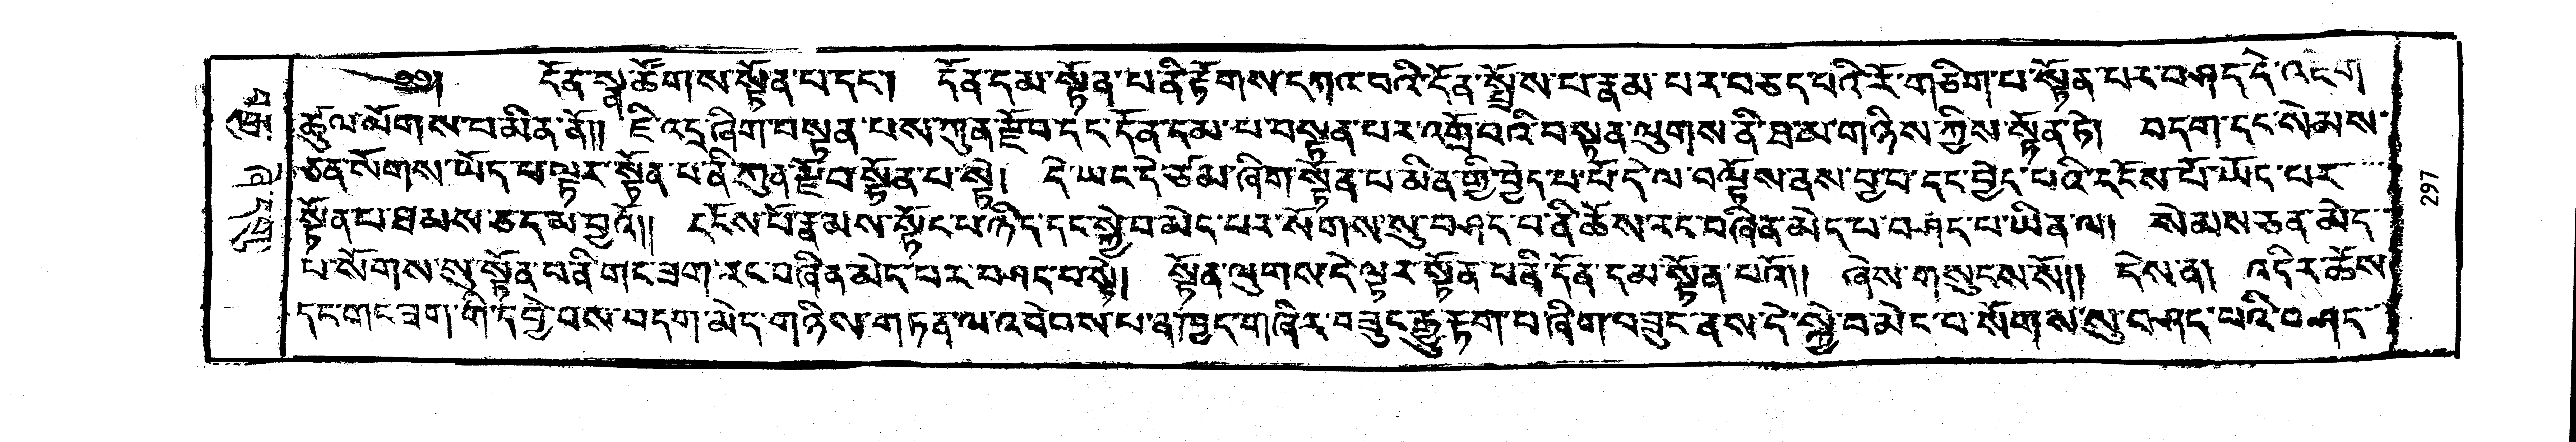༄༅། །དོན་སྣ་ཚོགས་སྟོན་པ་དང་། དོན་དམ་སྟོན་པ་ནི་རྟོགས་དཀའ་བའི་དོན་སྤྲོས་པ་རྣམ་པར་བཅད་པའི་རོ་གཅིག་པ་སྟོན་པར་བཤད་དེ་འཇོག་
ཚུལ་ལོགས་པ་མིན་ནོ། །ཇི་འདྲ་ཞིག་བསྟན་པས་ཀུན་རྫོབ་དང་དོན་དམ་པ་བསྟན་པར་འགྲོ་བའི་བསྟན་ལུགས་ནི་ཐ་མ་གཉིས་ཀྱིས་སྟོན་ཏེ། བདག་དང་སེམས་
ཅན་སོགས་ཡོད་པ་ལྟར་སྟོན་པ་ནི་ཀུན་རྫོབ་སྟོན་པ་སྟེ། དེ་ཡང་དེ་ཙམ་ཞིག་སྟོན་པ་མིན་གྱི་བྱེད་པ་པོ་དེ་ལ་བལྟོས་ནས་བྱ་བ་དང་བྱེད་པའི་དངོས་པོ་ཡོད་པར་
སྟོན་པ་ཐམས་ཅད་མ་བྱའོ། །དངོས་པོ་རྣམས་སྟོང་པ་ཉིད་དང་སྐྱེ་བ་མེད་པར་སོགས་སུ་བཤད་པ་ནི་ཆོས་རང་བཞིན་མེད་པ་བཤད་པ་ཡིན་ལ། སེམས་ཅན་མེད་
པ་སོགས་སུ་སྟོན་པ་ནི་གང་ཟག་རང་བཞིན་མེད་པར་བཤད་པ་སྟེ། སྟོན་ལུགས་དེ་ལྟར་སྟོན་པ་ནི་དོན་དམ་སྟོན་པའོ། །ཞེས་གསུངས་སོ། །དེས་ན། འདིར་ཆོས་
དང་གང་ཟག་གི་དབྱེ་བས་བདག་མེད་གཉིས་གཏན་ལ་འབེབས་པ་ན་ཁྱད་གཞིར་བཟུང་རྒྱུ་རྟག་པ་ཞིག་བཟུང་ནས་དེ་སྐྱེ་བ་མེད་པ་སོགས་སུ་བཤད་པའི་བཤད་